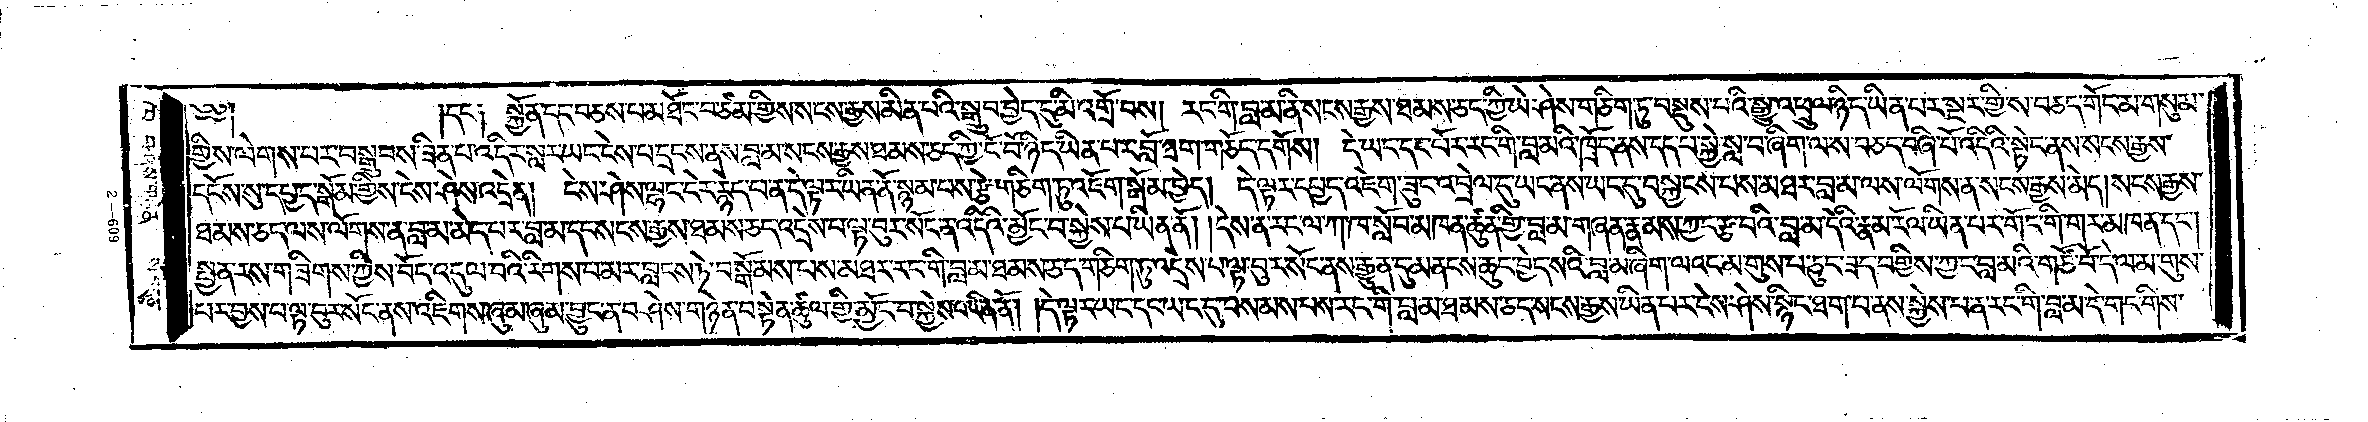༄༅། །དང༑ སྐྱོན་དང་བཅས་པ་མཐོང་བ་ཙམ་གྱིས་སངས་རྒྱས་མིན་པའི་སྒྲུབ་བྱེད་དུ་མི་འགྲོ་བས། རང་གི་བླ་མ་ནི་སངས་རྒྱས་ཐམས་ཅད་ཀྱི་ཡེ་ཤེས་གཅིག་ཏུ་བསྡུས་པའི་སྒྱུ་འཕྲུལ་ཉིད་ཡིན་པར་སྔར་གྱིས་བཅད་གོང་མ་གསུམ་
གྱིས་ལེགས་པར་བསྒྲུབས་ཟིན་པ་འདིར་སླར་ཡང་ངེས་པ་དྲངས་ནས་བླ་མ་སངས་རྒྱས་ཐམས་ཅད་ཀྱི་ངོ་བོ་ཉིད་ཡིན་པར་བློ་ཐག་གཅོད་དགོས། དེ་ཡང་དང་པོར་རང་གི་བླ་མའི་ཁྲོད་ནས་དད་པ་སྐྱེ་སླ་བ་ཞིག་ལས་བཅད་བཞི་པོ་འདིའི་སྟེང་ནས་སངས་རྒྱས་
དངོས་སུ་དཔྱད་སྒོམ་གྱིས་ངེས་ཤེས་འདྲེན། ངེས་ཤེས་ལྷང་ངེད་རྙེད་པ་ན་དེ་ལྟར་ཡིན་ནོ་སྙམ་པས་རྩེ་གཅིག་ཏུ་འཇོག་སྒོམ་བྱེད། དེ་ལྟར་དཔྱད་འཇོག་ཟུང་འབྲེལ་དུ་ཡང་ནས་ཡང་དུ་བསྐྱངས་པས་མཐར་བླ་མ་ལས་ལོགས་ན་སངས་རྒྱས་མེད། སངས་རྒྱས་
ཐམས་ཅད་ལས་ལོགས་ན་བླ་མ་མེད་པར་བླ་མ་དང་སངས་རྒྱས་ཐམས་ཅད་འདྲེས་པ་ལྟ་བུར་སོང་ན་འདིའི་མྱོང་བ་སྐྱེས་པ་ཡིན་ནོ། །དེས་ན་རང་ལ་ཀ་ཁ་སློབ་མཁན་ཚུན་གྱི་བླ་མ་གཞན་རྣམས་ཀྱང་རྩ་བའི་བླ་མ་དེའི་རྣམ་རོལ་ཡིན་པར་གོང་གི་གར་མཁན་དང་།
སྤྱན་རས་གཟིགས་ཀྱིས་བོད་འདུལ་བའི་རིགས་བ་མར་བླངས་ཏེ་བསྒོམས་པས་མཐར་རང་གི་བླ་མ་ཐམས་ཅད་གཅིག་ཏུ་འདྲེས་པ་ལྟ་བུར་སོང་ནས་རྒྱུན་དུ་མནངས་ཆུང་བྱེད་སའི་བླ་མ་ཞིག་ལའང་མ་གུས་པ་ཅུང་ཟད་བགྱིས་ཀྱང་བླ་མའི་གཙོ་བོ་དེ་ལ་མ་གུས་
པར་བྱས་པ་ལྟ་བུར་སོང་ནས་འཇིགས་ཞུམ་ཞུམ་བྱུང་ན་བཤེས་གཉེན་བསྟེན་ཚུལ་གྱི་མྱོང་བ་སྐྱེས་པ་ཡིན་ནོ། །དེ་ལྟར་ཡང་དང་ཡང་དུ་བསམས་པས་རང་གི་བླ་མ་ཐམས་ཅད་སངས་རྒྱས་ཡིན་པར་ངེས་ཤེས་སྙིང་ཐག་པ་ནས་སྐྱེས་པ་ན་རང་གི་བླ་མ་དེ་གང་གིས་